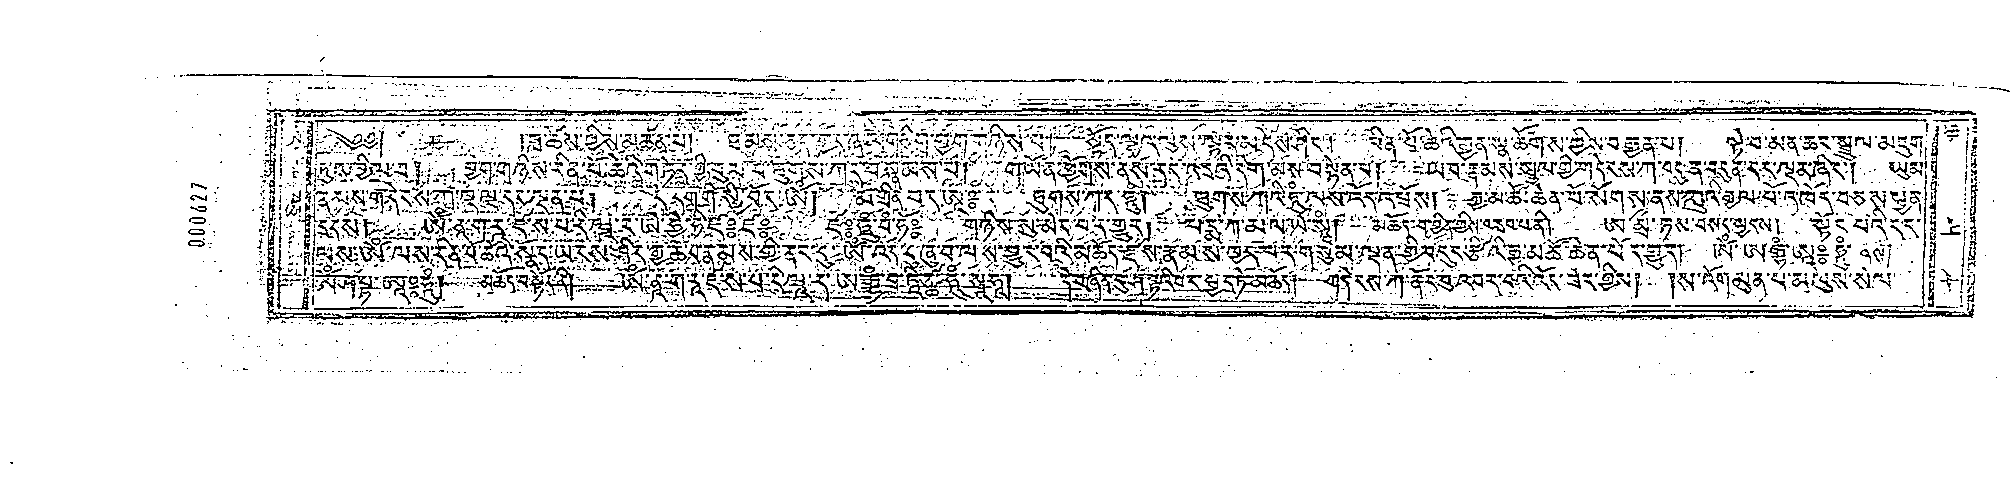༄༅། །ཟླ་ཚེས་ཀྱིས་མཚན་པ། ཐམས་ཅད་ཀྱང་ཞལ་གཅིག་ཕྱག་གཉིས་པ། སྟོང་ལྷའི་ལུས་ལྟར་མཛེས་ཤིང་། རིན་པོ་ཆེའི་རྒྱན་སྣ་ཚོགས་ཀྱིས་བརྒྱན་པ། ལྟེ་བ་མན་ཆད་སྤྲུལ་མཇུག་
ཏུ་འཁྱིལ་བ། ཕྱག་གཉིས་རིན་པོ་ཆེའི་གཏེར་གྱི་བུམ་པ་ཐུགས་ཀར་བསྣམས་པ། གཡོན་ཕྱོགས་ནས་རང་འདྲའི་རིག་མས་བསྟེན་པ། ཡབ་རྣམས་སྤྲུལ་གྱི་གདེངས་ཀ་བདུན་བདུན་དང་ལྡན་ཞིང་། ཡུམ་
རྣམས་གདེངས་ཀ་ལྔ་ལྔ་དང་ལྡན་པ། དེ་དག་གི་སྤྱི་བོར་ཨོཾ། མགྲིན་བར་ཨཱཿ་ཐུགས་ཀར་ཧཱུཾ། ཐུགས་ཀའི་ཧཱུཾ་ལས་འོད་འཕྲོས། རྒྱ་མཚོ་ཆེན་པོ་སོགས་ནས་ཀླུའི་རྒྱལ་པོ་འཁོར་བཅས་སྤྱན་
དྲངས། ཨོཾ་ནཱ་ག་རཱ་ཛ་ས་པ་རི་ཝཱ་ར་ཨེ་ཧྱེ་ཧི་ཛཿ་ཛཿ་ཛཿ་ཧཱུཾ་བཾ་ཧོཿ་གཉིས་སུ་མེད་པར་གྱུར། པདམ་ཀ་མ་ལ་ཡེ་སྟྭཾ། མཆོད་པ་བྱིན་གྱིས་བརླབ་པ་ནི། ཨ་མྲྀ་ཏས་བསང་སྦྱངས། སྟོང་པའི་ངར་
པས་ཨོཾ་ལས་རིན་པོ་ཆེའི་སྣོད་ཡངས་ཤིང་རྒྱ་ཆེ་བ་རྣམས་གྱི་ནང་དུ་ཨོཾ་འོད་དུ་ཞུ་བ་ལས་བྱུང་བའི་མཆོད་རྫས་རྣམས་ཁྱད་པར་གསུམ་ལྡན་གྱི་བདུད་རྩིའི་རྒྱ་མཚོ་ཆེན་པོར་གྱུར། ཨོཾ་ཨརྒྷཾ་ཨཱཿ་ཧཱུཾ་ནས།
ཨོཾ་ཤཔྟ་ཨཱཿ་ཧཱུཾ། མཆོད་བསྟོད་ནི། ཨོཾ་ནཱ་ག་རཱ་ཛ་ས་པ་རི་ཝཱ་ར་ཨརྒྷཾ་བྲ་ཏཱིཙྪ་ཧཱུཾ་སྭཱཧཱ། དེ་བཞིན་དུ་ཤཔྟའི་བར་སྦྱང་ཏེ་མཆོད། གདེངས་ཀ་ནོར་བུ་འབར་བའི་འོད་ཟེར་གྱིས། །ས་འོག་མུན་པ་མ་ལུས་སེལ་